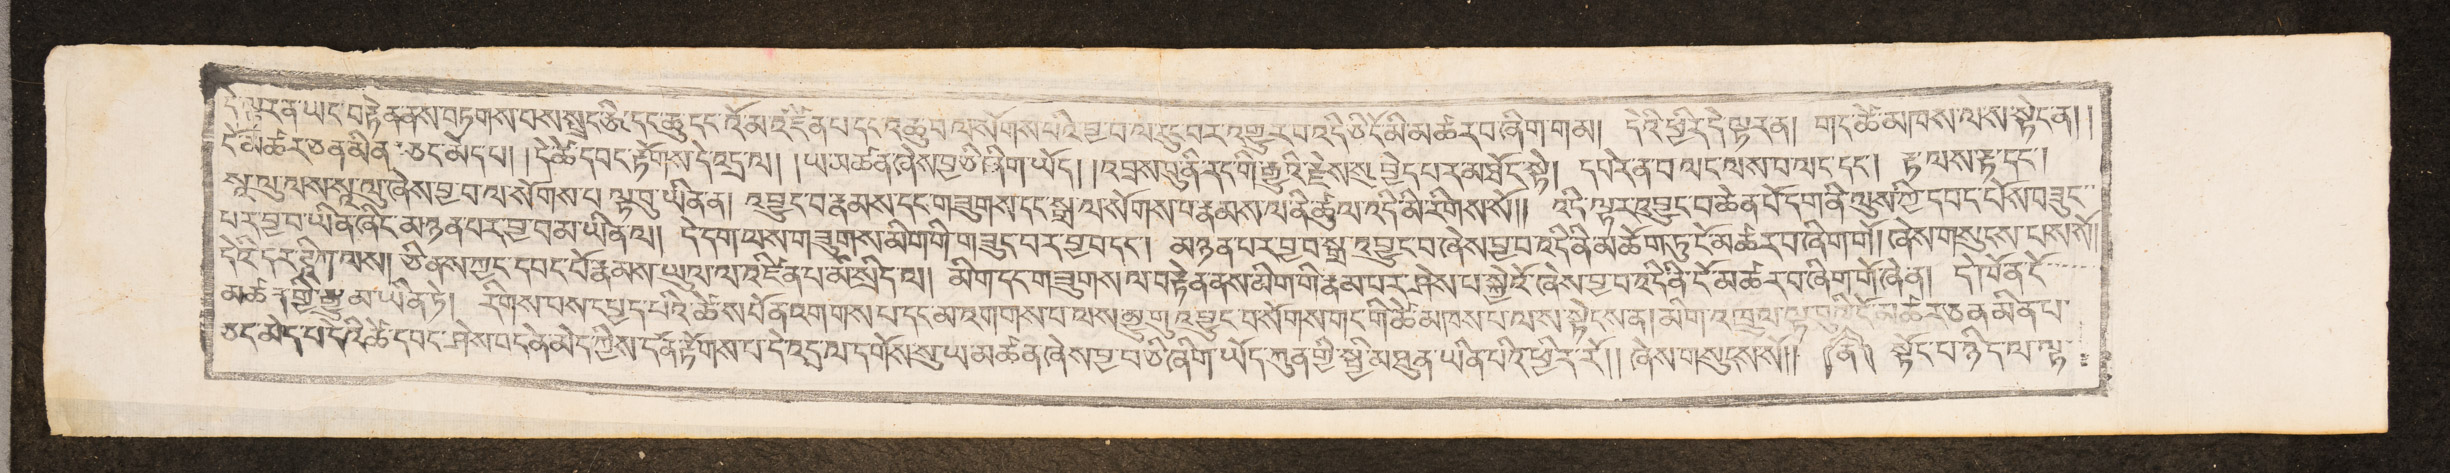དེ་ལྟར་ན་ཡང་བརྟེན་ནས་བཏགས་པས་སྦྲང་རྩི་དང་ཆུ་དང་འོ་མ་འཛིན་པ་དང་འཆུ་བ་ལ་སོགས་པའི་བྱ་བ་ལ་རུང་བར་འགྱུར་བ་འདི་ཅི་ངོ་མི་མཚར་བ་ཞིག་གམ། དེའི་ཕྱིར་དེ་ལྟར་ན། གང་ཚེ་མཁས་ལ་ས་སྟེང་ན།།
ངོ་མཚར་ཅན་མིན་ཅིང་མེད་པ། །དེ་ཚེ་དབང་རྟོགས་དེ་འདྲ་ལ། །ཡ་མཚན་ཞེས་བྱ་ཅི་ཞིག་ཡོད། །འབྲས་བུ་ནི་རང་གི་རྒྱུའི་རྗེས་སུ་བྱེད་པར་མཐོང་སྟེ། དཔེར་ན་བ་ལང་ལས་བ་ལང་དང་། རྟ་ལས་རྟ་དང་།
སཱ་ལས་ལས་སཱ་ལུ་ཞེས་བྱ་བ་ལ་སོགས་པ་ལྟ་བུ་ཡིན་ན། འབྱུང་བ་རྣམས་དང་གཟུགས་དང་སྒྲ་ལ་སོགས་པ་རྣམས་ལ་ནི་ཚུལ་འདི་མི་རིགས་སོ།། འདི་ལྟར་འབྱུང་བ་ཆེན་པོ་དག་ནི་ལུས་ཀྱི་དབང་པོས་བཟུང་
པར་བྱ་བ་ཡིན་ཞིང་མཉམ་པར་བྱ་བ་མ་ཡིན་ལ། དེ་དག་ལས་གཟུགས་མིག་གི་གཟུང་བར་བྱ་བ་དང་། མཉན་པར་བྱ་བ་སྒྲ་འབྱུང་བ་ཞེས་བྱ་བ་འདི་ནི་མཆོག་ཏུ་ངོ་མཚར་བ་ཞིག་གོ། ཞེས་གསུངས་པས་སོ།།
དེའི་དར་ཊཱིཀ་ལས། ཅི་ནས་ཀྱང་དབང་པོ་རྣམས་ཡུལ་ལ་འཛིན་པ་མི་སྲིད་ལ། མིག་དང་གཟུགས་ལ་བརྟེན་ནས་མིག་གི་རྣམ་པར་ཤེས་པ་སྐྱེའོ་ཞེས་བྱ་བ་འདི་ནི་ངོ་མཚར་བ་ཞིག་གོ་ཞེ་ན། དེ་ཁོ་ན་ངོ་
མཚན་གྱི་རྒྱུ་མ་ཡིན་ཏེ། རིགས་པས་དཔྱད་པའི་ཚེ་ས་བོན་འགགས་པ་དང་མ་འགགས་པ་ལས་མྱུ་གུ་འབྱུང་བ་སོགས་གང་གི་ཏེ་མཁས་པ་ལས་སྟེངས་ན། མིག་འཁྲུལ་ལྟ་བུའི་ངོ་མཚར་ཅན་མིན་པ་
ཅང་མེད་པ་དེའི་ཚེ་དབང་ཤེས་རབ་མེད་ཀྱིས་དོན་རྟོགས་པ་དེའི་དྲ་ལ་སོགས་སུ་ཡ་མཚན་ཞེས་བྱ་བ་ཞིག་ཡོད་ཀུན་གྱི་སྤྱི་མཐུན་ཡིན་པའི་ཕྱིར་རོ།། ཞེས་གསུངས་སོ། ༼༽ན༼༽ སྟོང་པ་ཉིད་ལ་ལྟ་